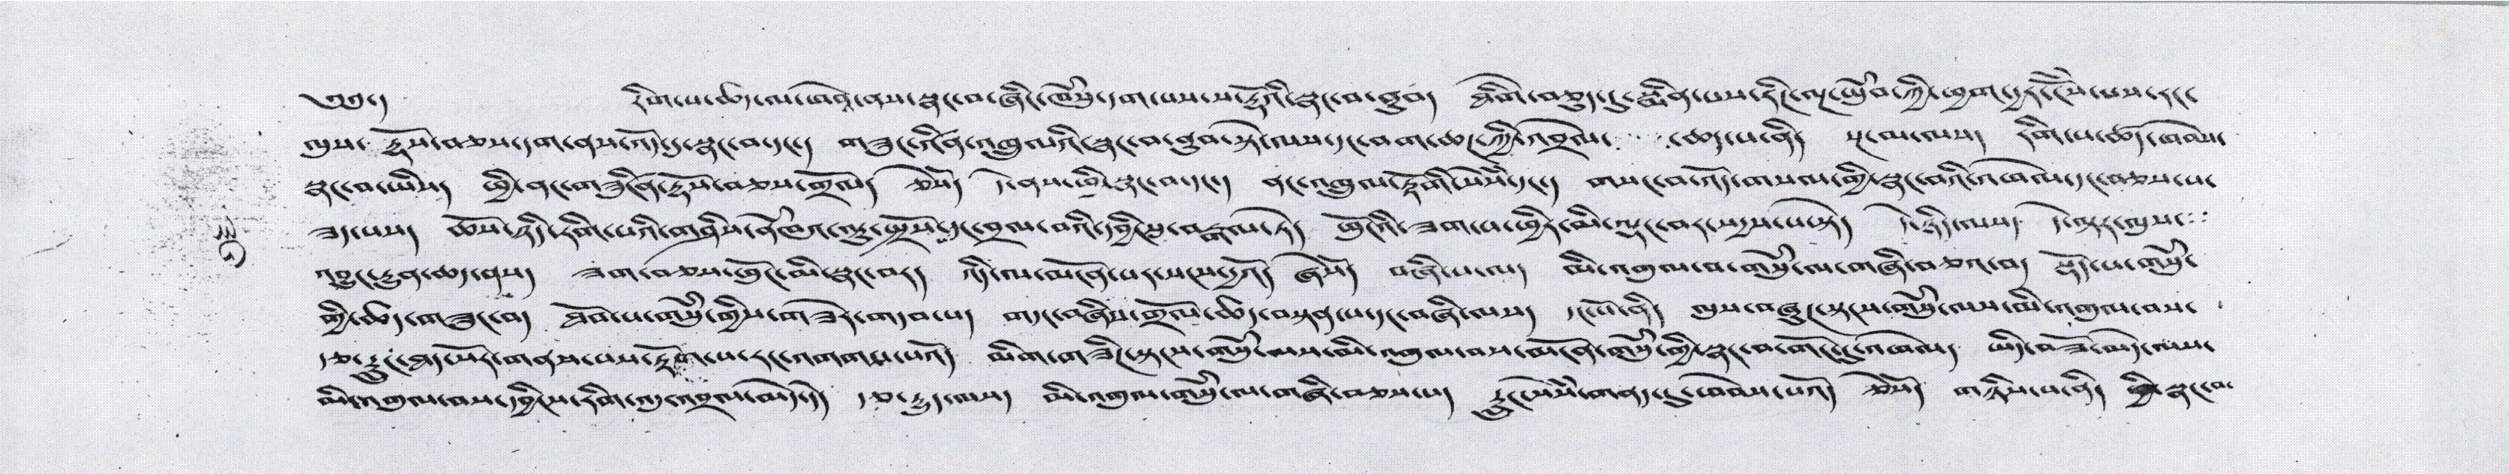རིག་པ་ཚད་ལ་ཕེབས་ནས་སྣང་བ་ཞིང་ཁམས་སུ་དག་པས་ས་རྡོའི་སྣང་བ་ནུབ། ཐེག་ལེ་བཅུད་དུ་སྨིན་པས་རིགས་ལྔ་ཡབ་ཡུམ་ཀྱི་ཕྱག་རྒྱར་ངོ་ཤེས་པས་རང་
ལུས་རྡོས་བཅས་དག་ནས་འོད་དུ་སྣང་བ་དང། གཟུང་འཛིན་འཁྲུལ་པའི་སྣང་བ་ནུབ་སྟེ་ལས་དང་བག་ཆགས་ཀྱི་འབྲེལ་ཆད་པ་ནི། སྔ་མ་ལས། རིག་པ་ཚད་ཕེབས་
སྣང་བ་ཡིས། ཕྱི་ནང་གཟུང་འཛིན་རྡོས་བཅས་གྲོལ། ཅེས་སོ། དེ་ནས་ཕྱི་སྣང་བ་དང། ནང་འཁྲུལ་རྟོག་གི་སེམས་དང། གསང་བ་འོད་གསལ་གྱི་སྣང་བའི་འཕེལ་དང་བཅས་པ་
ཟད་པས། ཆོས་ཉིད་རིག་པའི་གཤིས་ནམ་མཁའ་ལྟ་བུ་སྤྲོས་པ་དང་བྲལ་བའི་དབྱིངས་སུ་བརྒལ་ཏེ། ཕུང་པོའི་ཟག་པ་ཕྱིར་མི་ལྡང་བར་སངས་རྒྱས་པ་སྟེ། དེ་ཉིད་ལས། དེ་ལྟར་ལུས་
འབྱུང་རྒྱུན་ཆད་ནས། ཟག་བཅས་ཕུང་པོ་མི་སྣང་བར། འདི་ལ་མངོན་པར་སངས་རྒྱའོ། ཞེས་སོ། བཞི་པ་ལ། མི་འགུལ་བ་གསུམ་ལ་གཞི་བཅའ་བ། སྡོད་པ་གསུམ་
གྱི་ཚད་གཟུང་བ། ཐོབ་པ་གསུམ་གྱིས་གཟེར་གདབ་པ། གདང་བཞིས་གྲོལ་ཚད་བསྟན་པ་དང་བཞི་ལས། དང་པོ་ནི། ལུས་བཞུགས་སྟངས་གསུམ་ལས་མི་འགུལ་བས་
རྩ་རླུང་ཐད་སོར་གནས་པས་རྟོག་པ་རང་འགགས་པའོ། མིག་གཟིགས་སྟངས་གསུམ་ལས་མི་འགུལ་བས་མངོན་གསུམ་གྱི་སྣང་བ་གོང་དུ་འཕེལ། ཡིད་བཟོ་མེད་ལས་
མི་འགུལ་བས་དབྱིངས་རིག་འདུ་འབྲལ་མེད་དེ། རྩ་རྒྱུད་ལས། མི་འགུལ་གསུམ་ལ་གཞི་བཅས་པ། རླུང་སེམས་གནད་དུ་ཕེབས་པའོ། ཅེས་སོ། གཉིས་པ་ནི། ཕྱི་སྣང་བ་